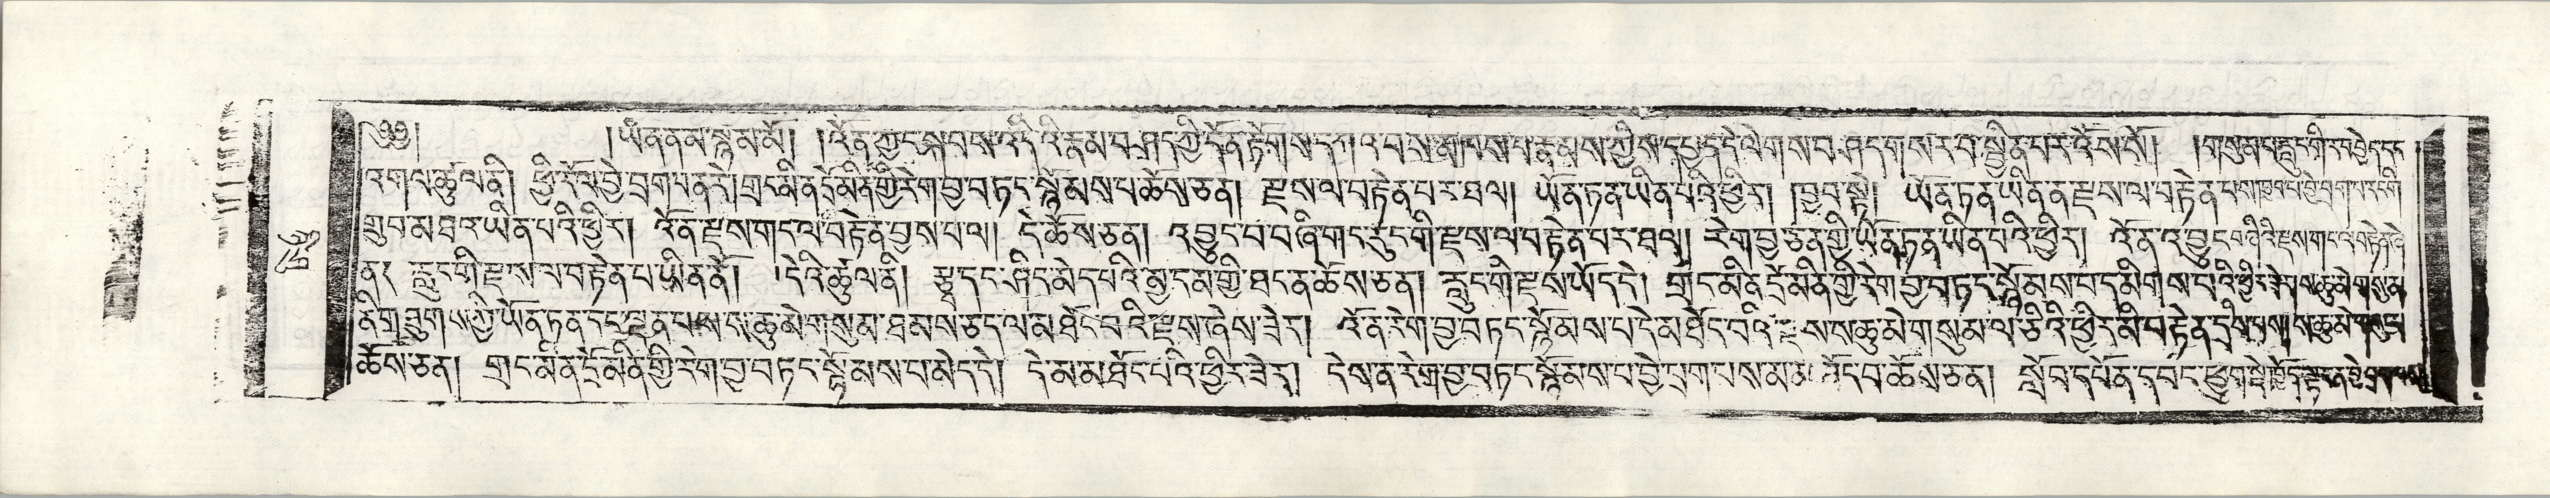༄༅། །ཡིན་ནམ་སྙམ་མོ། །འོན་ཀྱང་སྐབས་འདིའི་རྣམ་བཤད་ཀྱི་དོན་རྟོགས་དཀའ་བས་མཁས་པ་རྣམས་ཀྱིས་དཔྱད་དེ་ལེགས་བཤད་གསར་བ་ཞིག་སྦྱིན་པར་འོས་སོ། །གསུམ་པ་རླུང་གི་རབ་བྱེད་དང་
འགལ་ཚུལ་ནི། ཕྱི་རོལ་བྱེ་བྲག་པ་ན་རེ། གྲང་མིན་དྲོ་མིན་གྱི་རེག་བྱ་བཏང་སྙོམས་པ་ཆོས་ཅན། རྫས་ལ་བརྟེན་པར་ཐལ། ཡོན་ཏན་ཡིན་པའི་ཕྱིར། ཁྱབ་སྟེ། ཡོན་ཏན་ཡིན་ན་རྫས་ལ་བརྟེན་པས་ཁྱབ་པ་བྱེ་བྲག་པ་རང་གི་
གྲུབ་མཐའ་ཡིན་པའི་ཕྱིར། འོ་ན་རྫས་གང་ལ་བརྟེན་བྱས་པ་ལ། དེ་ཆོས་ཅན། འབྱུང་བ་བཞི་གང་རུང་གི་རྫས་ལ་བརྟེན་བར་ཐལ། རེག་བྱ་ཅན་གྱི་ཡོན་ཏན་ཡིན་པའི་ཕྱིར། འོ་ན་འབྱུང་བཞིའི་རྫས་གང་ལ་བརྟེན་ཞེ་
ན། །རླུང་གི་རྫས་ལ་བརྟེན་པ་ཡིན་ནོ། །དེའི་ཚུལ་ནི། རྩྭ་དང་ཤིང་མེད་པའི་མྱ་ངམ་གྱི་ཐང་ན་ཆོས་ཅན། རླུང་གི་རྫས་ཡོད་དེ། གྲང་མིན་དྲོ་མིན་གྱི་རེག་བྱ་བཏང་སྙོམས་པ་དམིགས་པའི་ཕྱིར་ཟེར། ས་ཆུ་མེ་གསུམ་
ནི་གཟུགས་ཀྱི་ཡོན་ཏན་དང་ལྡན་པས་ས་ཆུ་མེ་གསུམ་ཐམས་ཅད་ལ་མཐོང་བའི་རྫས་ཞེས་ཟེར། འོ་ན་རེག་བྱ་བཏང་སྙོམས་པ་དེ་མཐོང་བའི་རྫས་ས་ཆུ་མེ་གསུམ་ལ་ཅིའི་ཕྱིར་མི་བརྟེན་དྲིས་པས། ས་ཆུ་མེ་གསུམ་
ཆོས་ཅན། གྲང་མིན་དྲོ་མིན་གྱི་རེག་བྱ་བཏང་སྙོམས་པ་མེད་དེ། དེ་མ་མཐོང་བའི་ཕྱིར་ཟེར། དེས་ན་རེག་བྱ་བཏང་སྙོམས་པ་བྱེ་བྲག་པས་མ་མཐོང་བ་ཆོས་ཅན། སློབ་དཔོན་དབང་ཕྱུག་སྡེ་ཁྱོད་ལྟར་ན་བྱེ་བྲག་པས་